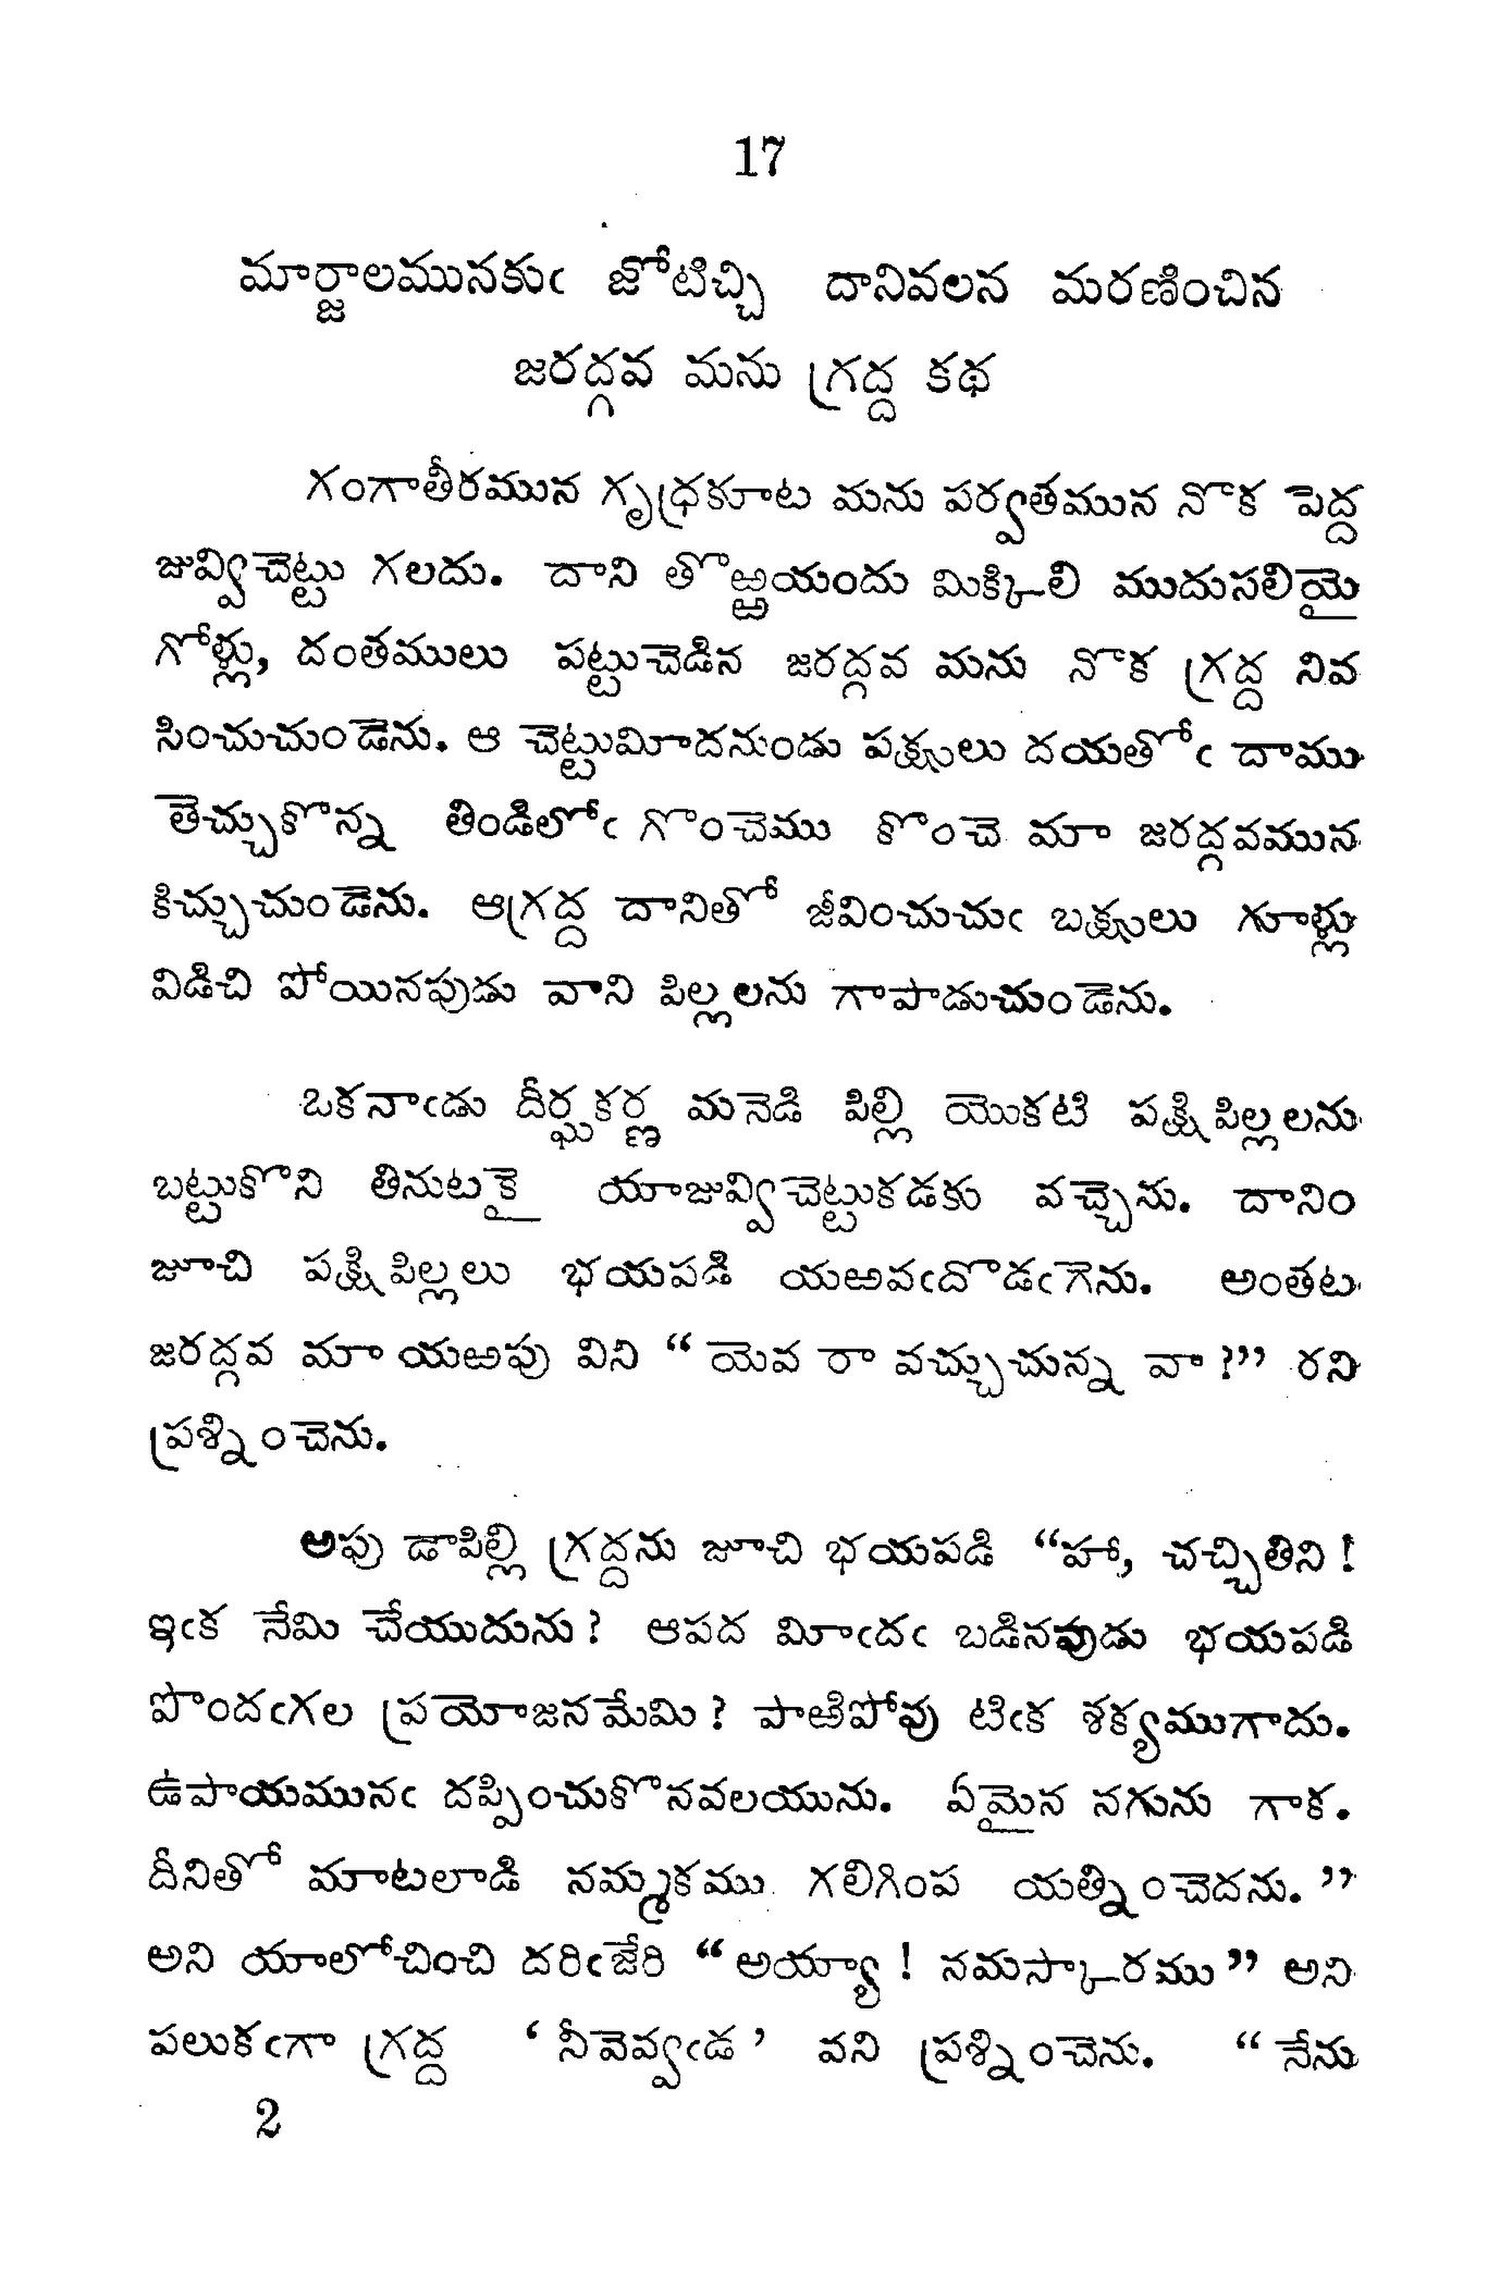గంగాతీరమున గృధ్రకూట మను పర్వతమున నొక పెద్ద జువ్విచెట్టు గలదు. దాని తొఱ్ఱయందు మిక్కిలి ముదుసలియై గోళ్లు, దంతములు పట్టుచెడిన జరద్గవ మను నొక గ్రద్ద నివసించుచుండెను. ఆ చెట్టుమీదనుండు పక్షులు దయతో దాము తెచ్చుకొన్న తిండిలో గొంచెము కొంచె మా జరద్గవమున కిచ్చుచుండెను. ఆగ్రద్ద దానితో జీవించుచు బక్షులు గూళ్లు విడిచి పోయినపుడు వాని పిల్లలను గాపాడుచుండెను.

ఒకనాడు దీర్ఘకర్ణ మనెడి పిల్లి యొకటి పక్షిపిల్లలను బట్టుకొని తినుటకై యాజువ్విచెట్టుకడకు వచ్చెను. దానింజూచి పక్షిపిల్లలు భయపడి యఱవ దొడగెను. అంతట జరద్గవ మా యఱుపు విని "యెవ రా వచ్చుచున్న వా?" రని ప్రశ్నించెను. 

అపు డాపిల్లి గ్రద్దను జూచి భయపడి "హా, చచ్చితిని! ఇక నేమి చేయుదును? ఆపద మీద బడినపుడు భయపడి పొందగల ప్రయోజనమేమి? పాఱిపోవు టిక శక్యముగాదు. ఉపాయమున దప్పించుకొనవలయును. ఏమైన నగును గాక. దీనితో మాటలాడి నమ్మకము గలిగింప యత్నించెదను." అని యాలోచించి దరిజేరి "అయ్యా! నమస్కారము" అని పలుకగా గ్రద్ద "నీవెవ్వడ" వని ప్రశ్నించెను. "నేను